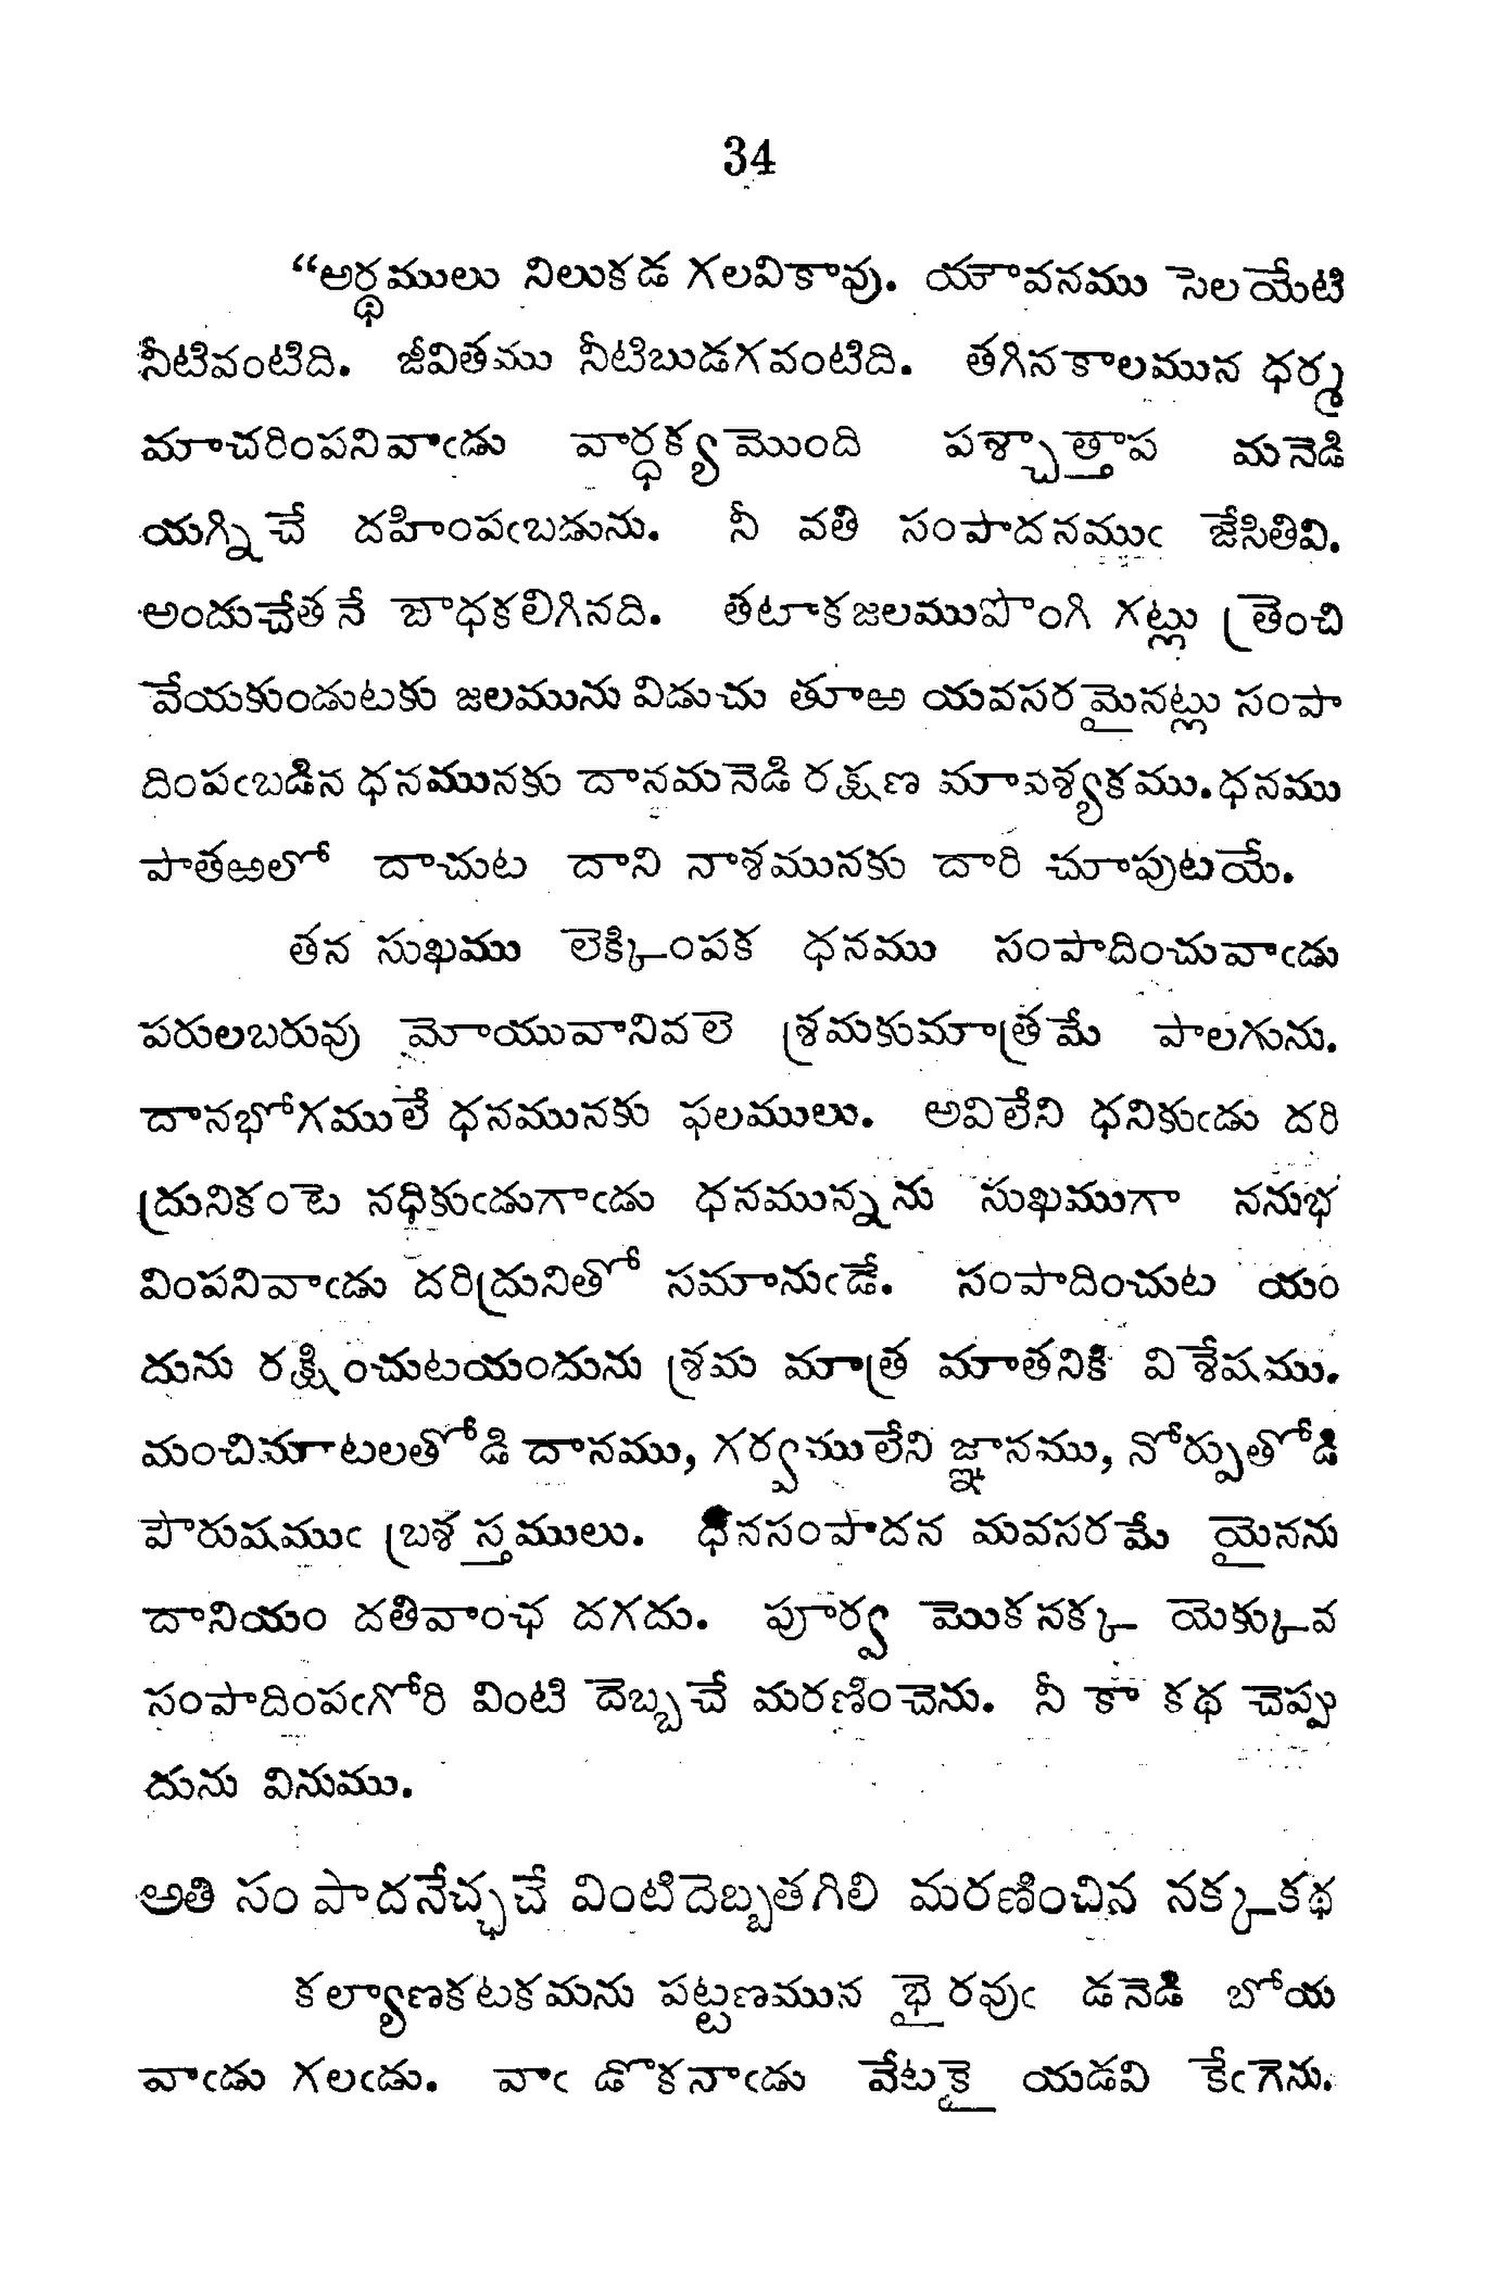"అర్థములు నిలుకడ గలవికావు. యౌవనము సెలయేటి నీటివంటిది. జీవితము నీటిబుడగవంటిది. తగినకాలమున ధర్మ మాచరింపనివాడు వార్ధక్యమొంది పశ్చాత్తాప మనెడి యగ్నిచే దహింపబడును. నీ వతి సంపాదనము జేసితివి. అందుచేతనే బాధకలిగినది. తటాకజలముపొంగి గట్లు త్రెంచి వేయకుండుటకు జలమును విడుచు తూఱ యవసరమైనట్టు సంపాదింపబడిన ధనమునకు దానమనెడి రక్షణ మావశ్యకము. ధనము పాతఱలో దాచుట దాని నాశనమునకు దారి చూపుటయే.

తన సుఖము లెక్కింపక ధనము సంపాదించువాడు పరులబరువు మోయువానివలె శ్రమకుమాత్రమే పాలగును. దానభోగములే ధనమునకు ఫలములు. అవిలేని ధనికుడు దరిద్రునికంటె నధికుడుగాడు ధనమున్నను సుఖముగా ననుభవింపనివాడు దరిద్రునితో సమానుడే. సంపాదించుట యందును రక్షించుటయందును శ్రమ మాత్ర మాతనికి విశేషము. మంచిమాటలతోడి దానము, గర్వములేని జ్ఞానము, నోర్పుతోడి పౌరుషము బ్రశస్తములు. ధనసంపాదన మవసరమే యైనను దానియం దతివాంఛ దగదు. పూర్వ మొక నక్క యెక్కువ సంపాదింపగోరి వింటి దెబ్బచే మరణించెను. నీకా కథ చెప్పుదును వినుము.

కల్యాణకటకమను పట్టణమున భైరవు డనెడి బోయవాడు గలడు. వా డొకనాడు వేటకై యడవి కేగెను.